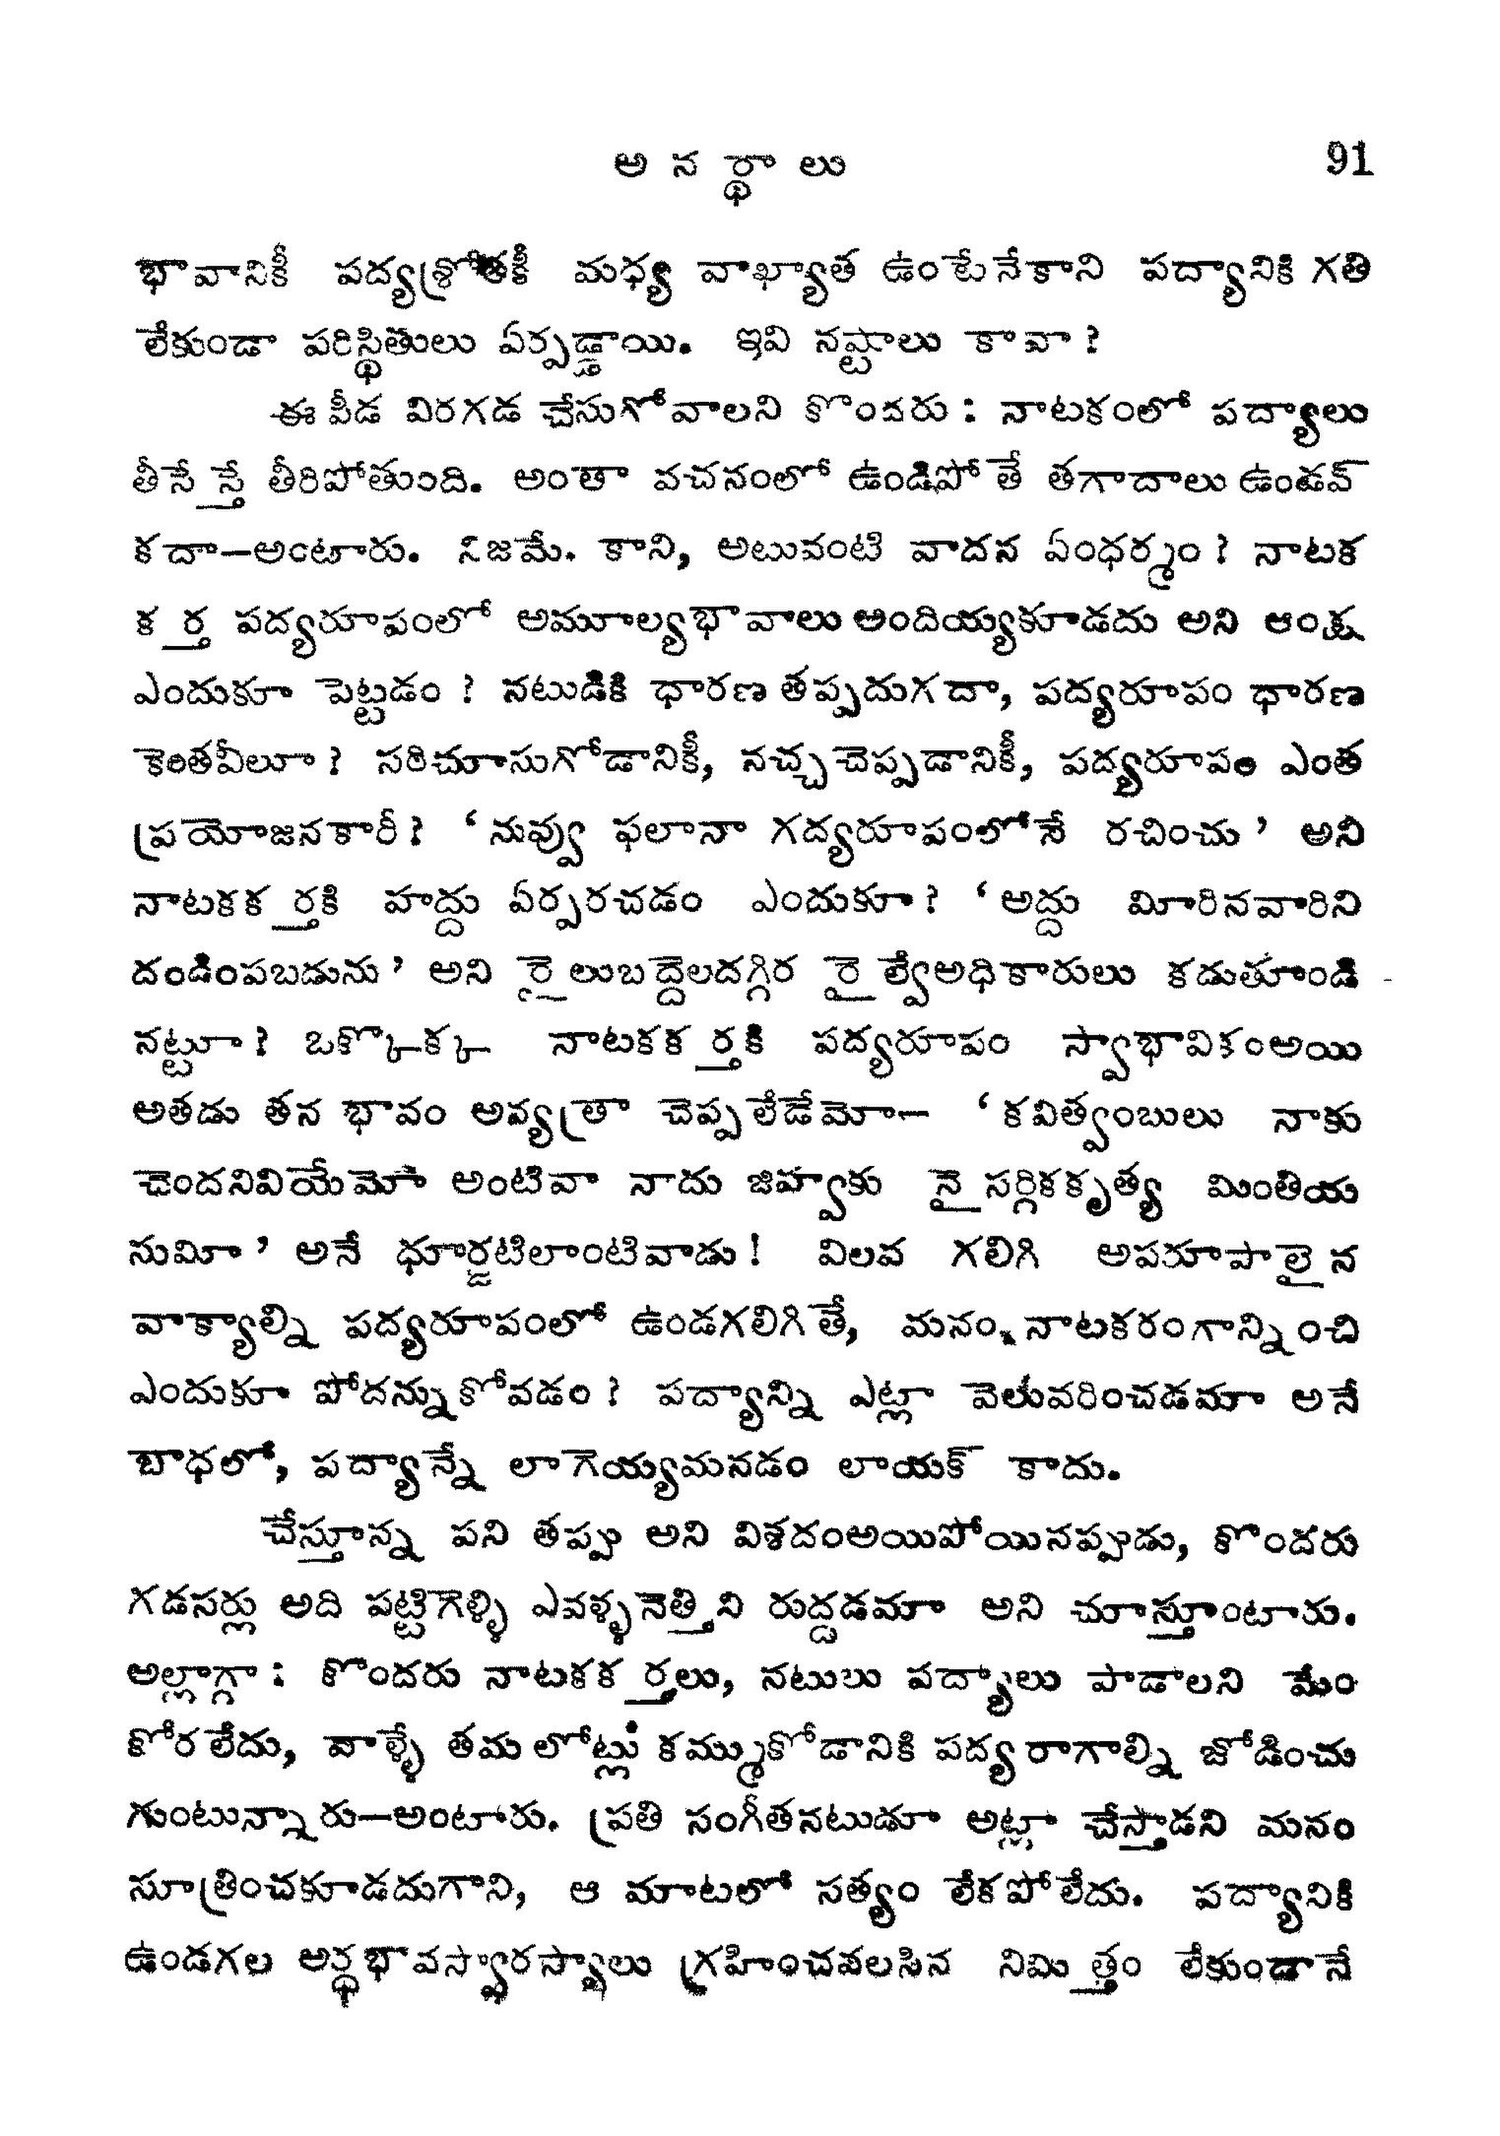భావానికీ పద్యశ్రోతకీ మధ్య వాఖ్యాత ఉంటేనేకాని పద్యానికి గతి
లేకుండా పరిస్థితులు ఏర్పడ్డాయి. ఇవి నష్టాలు కావా?

ఈ పీడ విరగడ చేసుకోవాలని కొందరు: నాటకంలో పద్యాలు
తీసేస్తే తీరిపోతుంది. అంతా వచనంలో ఉండిపోతే తగాదాలు ఉండవ్
కదా—అంటారు. నిజమే. కాని, అటువంటి వాదన ఏంధర్మం? నాటక
కర్త పద్యరూపంలో అమూల్యభావాలు అందియ్యకూడదు అని ఆంక్ష
ఎందుకూ పెట్టడం ! నటుడికి ధారణ తప్పదుగదా, పద్యరూపం ధారణ
కెంతవీలూ? సరిచూసుగోడానికీ, నచ్చచెప్పడానికీ, పద్యరూపం ఎంత
ప్రయోజనకారీ ? 'నువ్వు ఫలానా గద్యరూపంలోనే రచించు' అని
నాటకకర్తకి హద్దు ఏర్పరచడం ఎందుకూ? 'అద్దు మీరినవారిని
దండింపబడును' అని రైలుబద్దెలదగ్గిర రైల్వేఅధికారులు కడుతూండి
నట్టూ? ఒక్కొక్క నాటకకర్తకి పద్యరూపం స్వాభావికంఅయి
అతడు తన భావం అవ్యత్రా చెప్పలేడేమో- 'కవిత్వంబులు నాకు
చెందనివియేమో అంటివా నాదు జిహ్వకు నైసర్గికకృత్య మింతియ
సుమీ' అనే ధూర్జటిలాంటివాడు! విలవ గలిగి అపరూపాలైన
వాక్యాల్ని పద్యరూపంలో ఉండగలిగితే, మనం, నాటకరంగాన్నించి
ఎందుకూ పోదన్నుకోవడం ? పద్యాన్ని ఎట్లా వెలువరించడమా అనే
బాధలో, పద్యాన్నే లాగెయ్యమనడం లాయక్ కాదు.

చేస్తూన్న పని తప్పు అని విశదంఅయిపోయినప్పుడు, కొందరు
గడసర్లు అది పట్టిగెళ్ళి ఎవళ్ళనెత్తిని రుద్దడమా అని చూస్తూంటారు.
అల్లాగ్గా : కొందరు నాటకకర్తలు, నటులు పద్యాలు పాడాలని మేం
కోరలేదు, వాళ్ళే తమ లోట్లు కమ్ముకోడానికి పద్యరాగాల్ని జోడించు
గుంటున్నారు—అంటారు. ప్రతి సంగీతనటుడూ అట్లా చేస్తాడని మనం
సూత్రించకూడదుగాని, ఆ మాటలో సత్యం లేకపోలేదు. పద్యానికి
ఉండగల అర్ధభావస్వారస్యాలు గ్రహించవలసిన నిమిత్తం లేకుండానే